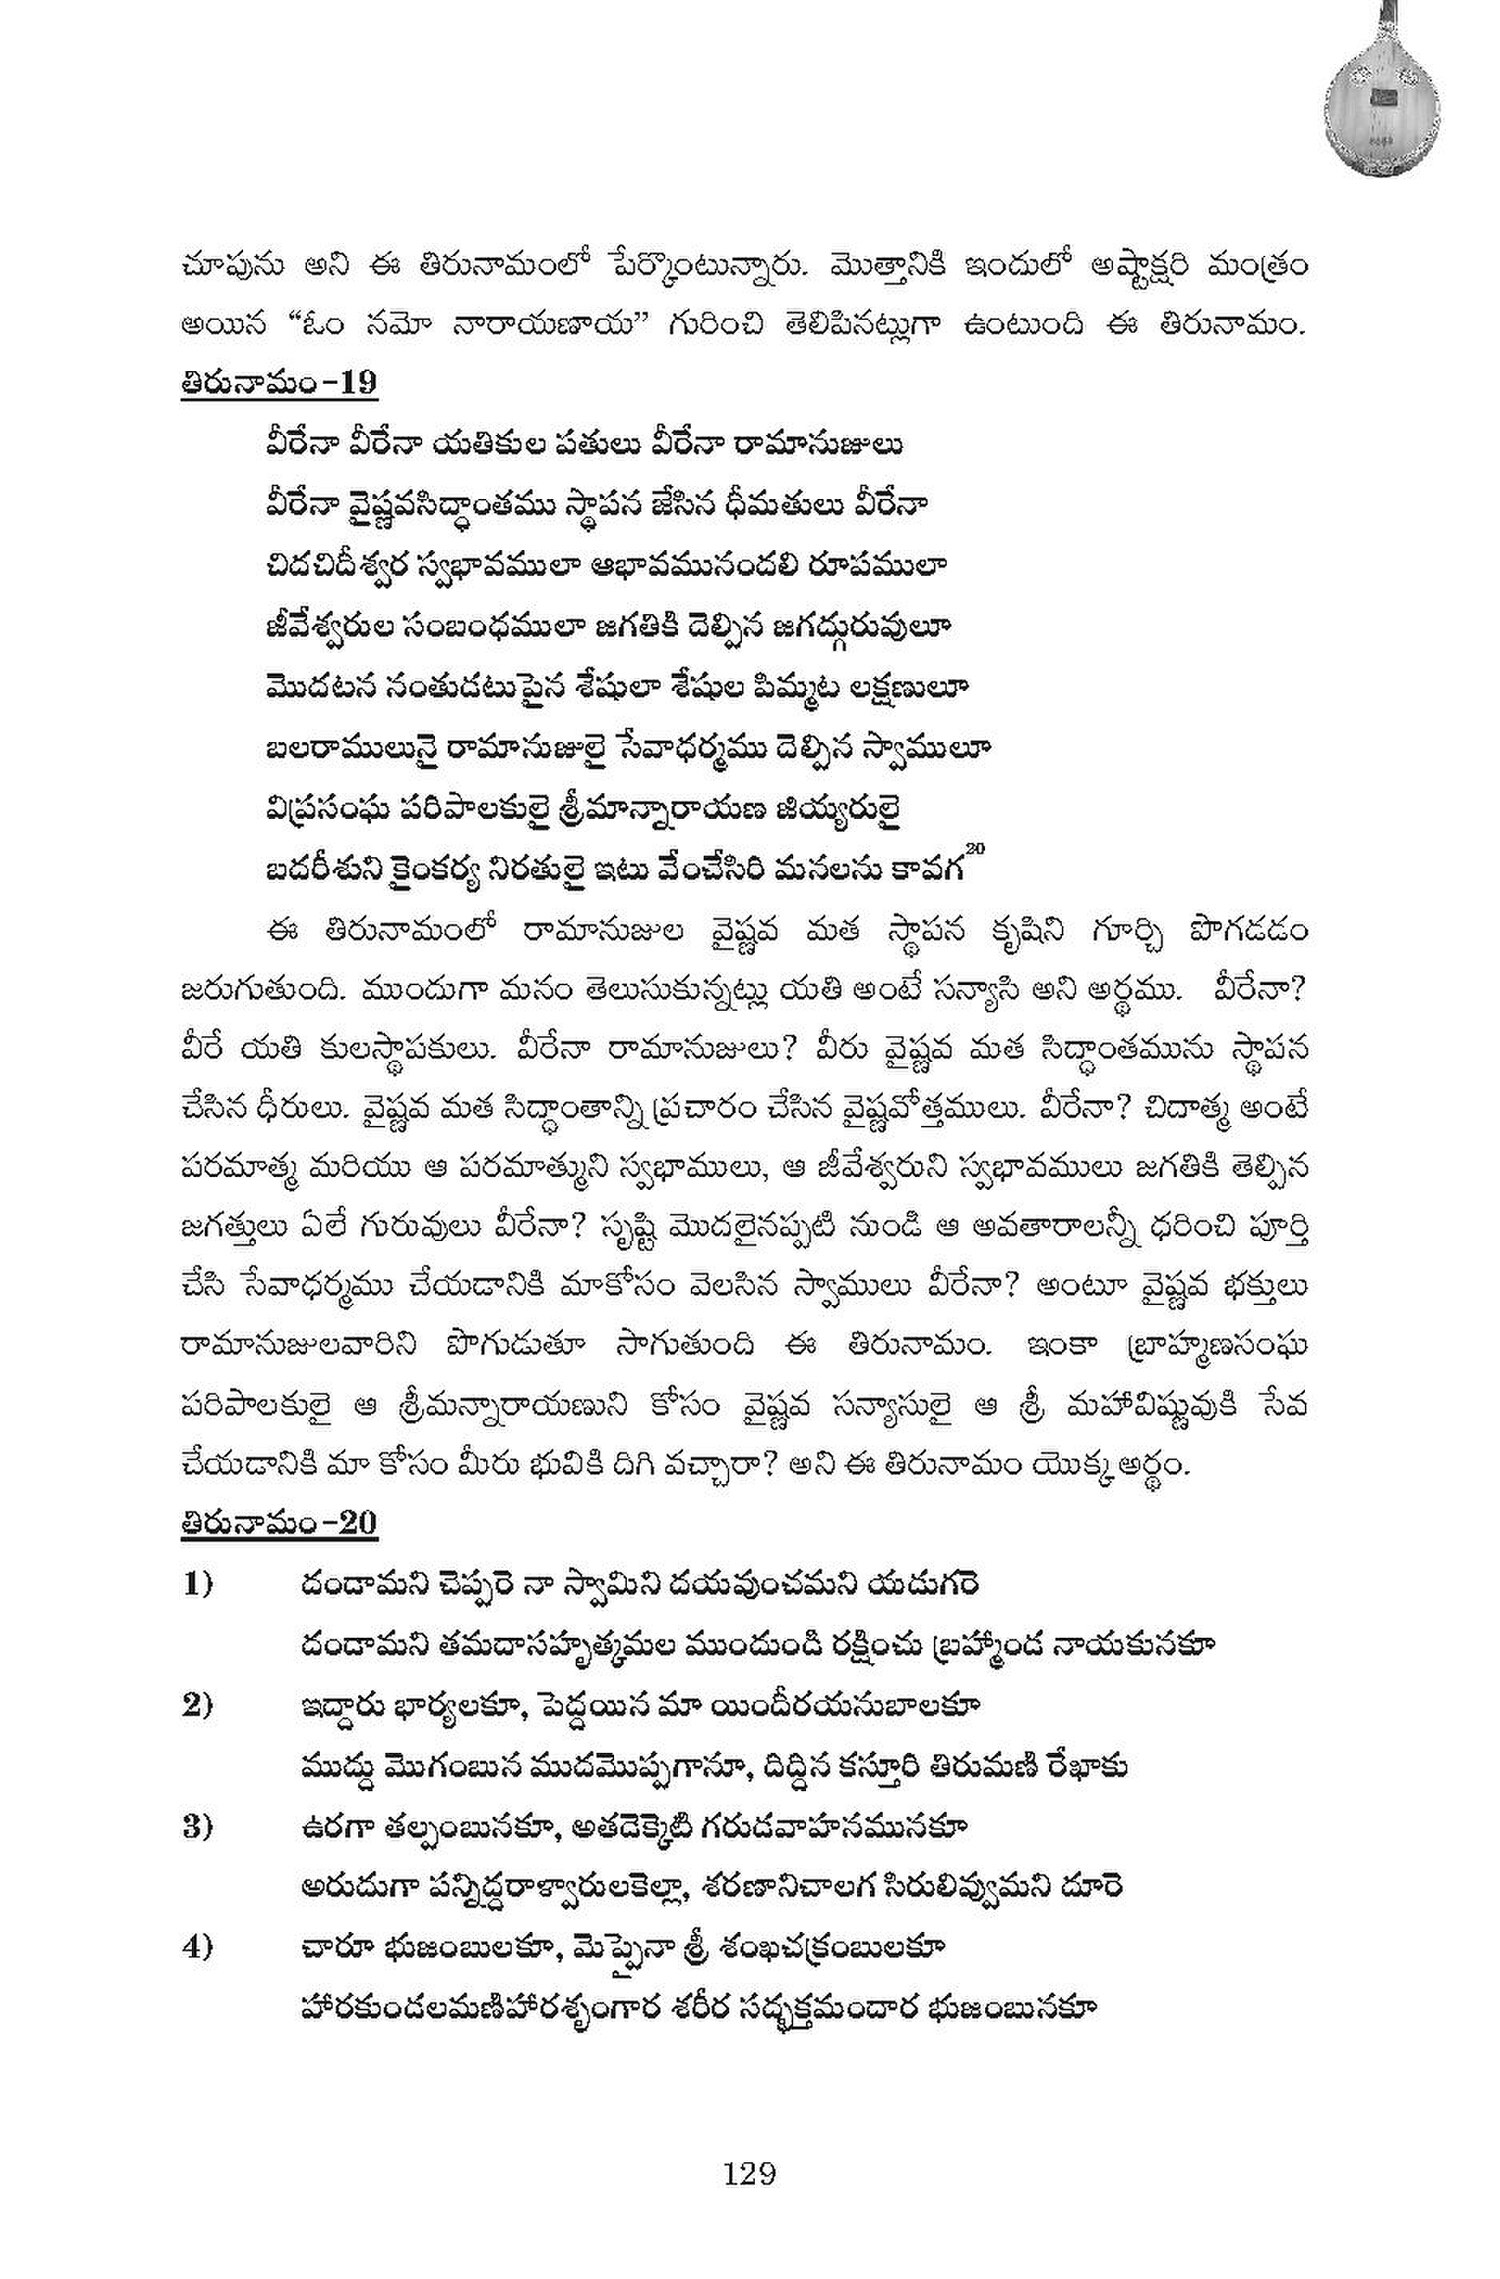చూపును అని ఈ తిరునామంలో పేర్కొంటున్నారు. మొత్తానికి ఇందులో అష్టాక్షరి మంత్రం అయిన “ఓం నమో నారాయణాయ" గురించి తెలిపినట్లుగా ఉంటుంది ఈ తిరునామం.

తిరునామం-19

వీరేనా వీరేనా యతికుల పతులు వీరేనా రామానుజులు
వీరేనా వైష్ణవసిద్ధాంతము స్థాపన జేసిన ధీమతులు వీరేనా
చిదచిదీశ్వర స్వభావములా ఆభావమునందలి రూపములా
జీవేశ్వరుల సంబంధములా జగతికి దెల్పిన జగద్గురువులూ
మొదటన నంతుడటుపైన శేషులా శేషుల పిమ్మట లక్షణులూ
బలరాములునై రామానుజులై సేవాధర్మము దెల్పిన స్వాములూ
విప్రసంఘ పరిపాలకులై శ్రీమన్నారాయణ జియ్యరులై
బదరీశుని కైంకర్య నిరతులై ఇటు వేంచేసిరి మనలను కావగ20

ఈ తిరునామంలో రామానుజుల వైష్ణవ మత స్థాపన కృషిని గూర్చి పొగడడం జరుగుతుంది. ముందుగా మనం తెలుసు కున్నట్లు యతి అంటే సన్యాసి అని అర్థము. వీరేనా? వీరే యతి కులస్థాపకులు. వీరేనా రామానుజులు? వీరు వైష్ణవ మత సిద్ధాంతమును స్థాపన చేసిన ధీరులు. వైష్ణవ మత సిద్ధాంతాన్ని ప్రచారం చేసిన వైష్ణవోత్తములు. వీరేనా? చిదాత్మ అంటే
పరమాత్మ మరియు ఆ పరమాత్ముని స్వభాములు, ఆ జీవేశ్వరుని స్వభావములు జగతికి తెల్పిన జగత్తులు ఏలే గురువులు వీరేనా? సృష్టి మొదలైనప్పటి నుండి ఆ అవతారాలన్నీ ధరించి పూర్తి చేసి సేవాధర్మము చేయడానికి మాకోసం వెలసిన స్వాములు వీరేనా? అంటూ వైష్ణవ భక్తులు రామానుజులవారిని పొగుడుతూ సాగుతుంది ఈ తిరునామం. ఇంకా బ్రాహ్మణ సంఘ పరిపాలకులై ఆ శ్రీమన్నారాయణుని కోసం వైష్ణవ సన్యాసులై ఆ శ్రీ మహావిష్ణువుకి సేవ చేయడానికి మా కోసం మీరు భువికి దిగి వచ్చారా? అని ఈ తిరునామం యొక్క అర్థం.

తిరునామం -20

1) దండామని చెప్పరె నా స్వామిని దయవుంచమని యడుగరె
దండామని తమదాసహృత్కమల ముందుండి రక్షించు బ్రహ్మాండ నాయకునకూ

2) ఇద్దారు భార్యలకూ, పెద్దయిన మా యిందీరయనుబాలకూ
ముద్దు మొగంబున ముదమొప్పగానూ, దిద్దిన కస్తూరి తిరుమణి రేఖాకు

3) ఉరగా తల్పంబునకూ, అతడెక్కెటి గరుడవాహనమునకూ
అరుదుగా పన్నిద్దరాళ్వారులకెల్లా, శరణానిచాలగ సిరులివ్వుమని దూరె

4) చారూ భుజంబులకూ, మెప్పైనా శ్రీ శంఖచక్రంబులకూ
హారకుండలమణిహారశృంగార శరీర సద్భక్తమందార భుజంబునకూ